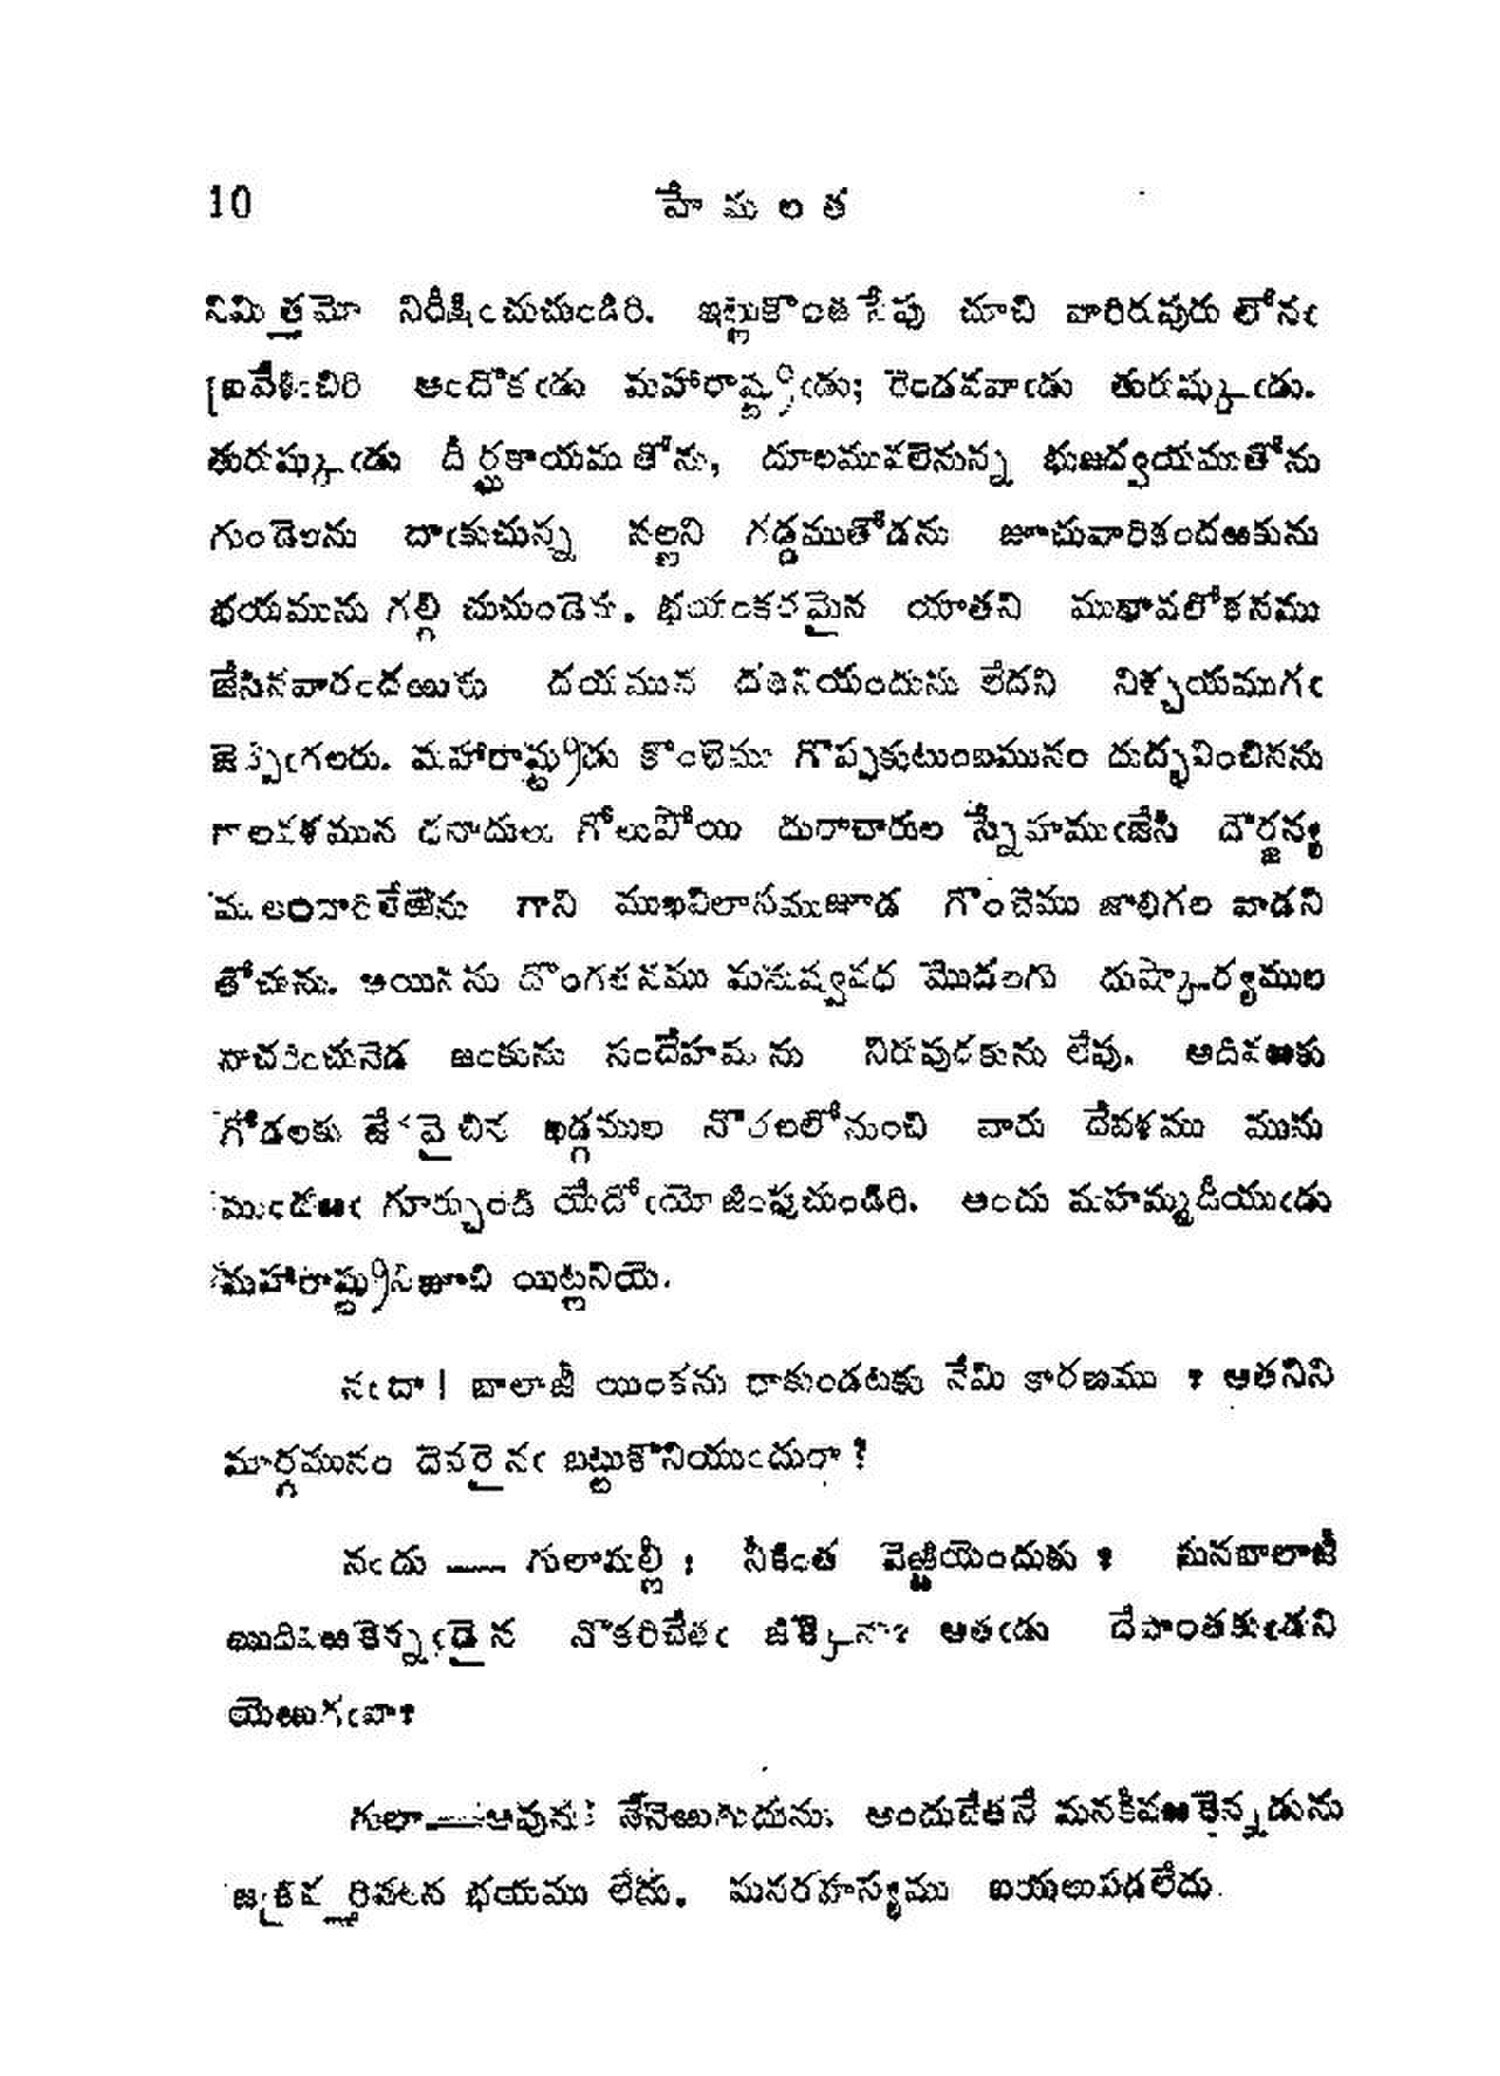నిమిత్తమో నిరీక్షించుచుండిరి. ఇట్లుకొంతసేపు చూచి వారిరువురు లోనఁ బ్రవేశించిరి. అందొకఁడు మహారాష్ట్రుఁడు; రెండవవాఁడు తురుష్కుఁడు. తురుష్కుఁడు దీర్ఘకాయము తోను, దూలమువలెనున్న భుజద్వయముతోను గుండెలను దాఁకుచున్న నల్లని గడ్డముతోడను జూచువారికందఱకును భయమును గల్గించుచుండెను. భయంకరమైన యాతని ముఖావలోకనము జేసిన వారందఱును దయమున దతనియందును లేదని నిశ్చయముగఁ జెప్పఁగలరు. మహారాష్ట్రుడు కొంచెము గొప్పకుటుంబమునం దుద్భవించినను గాలవశమున ధనాదులు గోలుపోయి దురాచారుల స్నేహముఁజేసి దౌర్జన్యము లందారితేఱెను గాని ముఖవిలాసముజూడ గొంచెము జాలిగల వాడని తోచును. అయినను దొంగతనము మనుష్యవధ మొదలగు దుష్కార్యముల నాచరించునెడ జంకును సందేహమును నిరువురకును లేవు. అదివఱకు గోడలకు జేరవైచిన ఖడ్గముల నొరలలోనుంచి వారు దేవళము మును ముందఱఁ గూర్చుండి యేదోఁ యోజింపుచుండిరి. అందు మహమ్మదీయుఁడు మహారాష్ట్రుని జూచి యిట్లనియె.

నందా! బాలాజీ యింకను రాకుండటకు నేమి కారణము? అతనిని మార్గమునం దెవరైనఁ బట్టుకొనియుందురా?

నందు — గులామల్లీ! నీకింత వెఱ్ఱియెందుకు! మనబాలాజీ యిదివఱకెన్నఁడైన నొకరిచేతఁ జిక్కెనా? ఆతఁడు దేవాంతకుఁడని యెఱుగఁవా?

గులా — అవును! నేనెఱుగుదును. అందుచేతనే మనకీవఱకెన్నడును జక్రవర్తివలన భయము లేదు. మనరహస్యము బయలుపడలేదు.